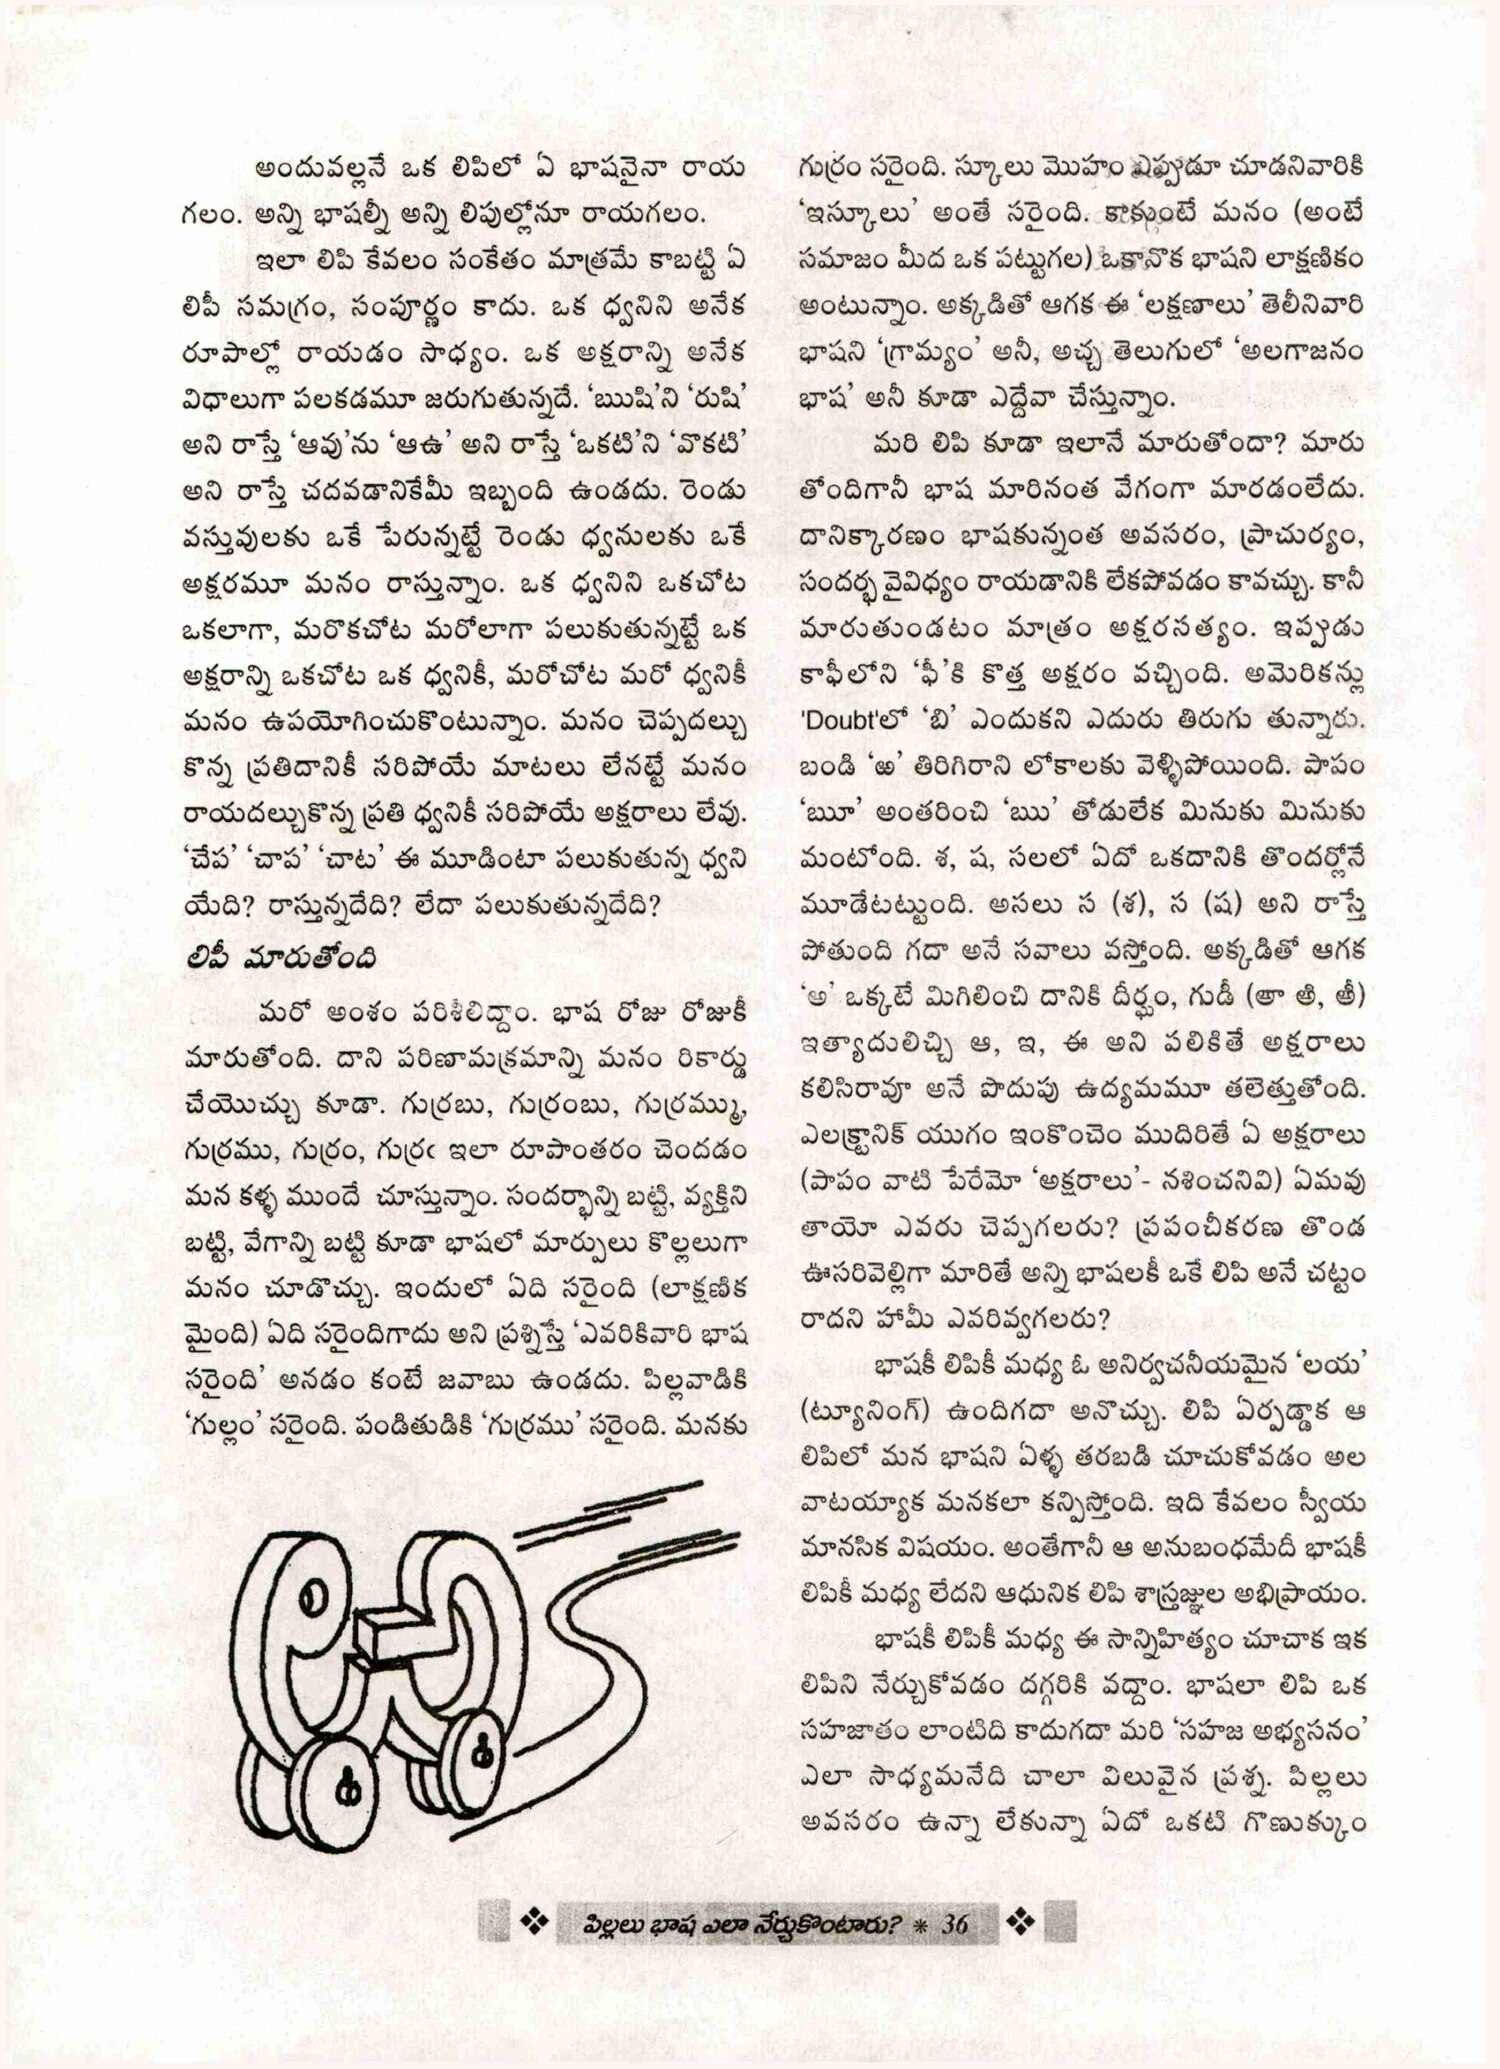అందువల్లనే ఒక లిపిలో ఏ భాషనైనా రాయగలం. అన్ని భాషల్నీ అన్ని లిపుల్లోనూ రాయగలం.

ఇలా లిపి కేవలం సంకేతం మాత్రమే కాబట్టి ఏ లిపీ సమగ్రం, సంపూర్ణం కాదు. ఒక ధ్వనిని అనేక రూపాల్లో రాయడం సాధ్యం. ఒక అక్షరాన్ని అనేక విధాలుగా పలకడమూ జరుగుతున్నదే. 'ఋషి'ని 'రుషి' అని రాస్తే 'ఆవు'ను 'ఆఉ' అని రాస్తే 'ఒకటి'ని 'వొకటి' అని రాస్తే చదవడానికేమీ ఇబ్బంది ఉండదు. రెండు వస్తువులకు ఒకే పేరున్నట్టే రెండు ధ్వనులకు ఒకే అక్షరమూ మనం రాస్తున్నాం. ఒక ధ్వనిని ఒకచోట ఒకలాగా, మరొకచోట మరోలాగా పలుకుతున్నట్టే ఒక అక్షరాన్ని ఒకచోట ఒక ధ్వనికీ, మరోచోట మరో ధ్వనికీ మనం ఉపయోగించుకొంటున్నాం. మనం చెప్పదల్చుకొన్న ప్రతిదానికీ సరిపోయే మాటలు లేనట్టే మనం రాయదల్చుకొన్న ప్రతి ధ్వనికీ సరిపోయే అక్షరాలు లేవు.
‘చేప' ‘చాప' 'చాట' ఈ మూడింటా పలుకుతున్న ధ్వని యేది? రాస్తున్నదేది? లేదా పలుకుతున్నదేది?

లిపీ మారుతోంది

మరో అంశం పరిశీలిద్దాం. భాష రోజు రోజుకీ మారుతోంది. దాని పరిణామక్రమాన్ని మనం రికార్డు చేయొచ్చు కూడా. గుర్రబు, గుర్రంబు, గుర్రమ్ము, గుర్రము, గుర్రం, గుర్రఁ ఇలా రూపాంతరం చెందడం మన కళ్ళ ముందే చూస్తున్నాం. సందర్భాన్ని బట్టి, వ్యక్తిని బట్టి, వేగాన్ని బట్టి కూడా భాషలో మార్పులు కొల్లలుగా మనం చూడొచ్చు. ఇందులో ఏది సరైంది (లాక్షణికమైంది) ఏది సరైందిగాదు అని ప్రశ్నిస్తే 'ఎవరికివారి భాష సరైంది' అనడం కంటే జవాబు ఉండదు. పిల్లవాడికి 'గుల్లం' సరైంది. పండితుడికి 'గుర్రము' సరైంది. మనకు గుర్రం సరైంది. స్కూలు మొహం ఎప్పుడూ చూడనివారికి 'ఇస్కూలు' అంతే సరైంది. కాకుంటే మనం (అంటే సమాజం మీద ఒక పట్టుగల) ఒకానొక భాషని లాక్షణికం అంటున్నాం. అక్కడితో ఆగక ఈ 'లక్షణాలు' తెలీనివారి భాషని 'గ్రామ్యం' అనీ, అచ్చ తెలుగులో 'అలగాజనం భాష' అనీ కూడా ఎద్దేవా చేస్తున్నాం.

మరి లిపి కూడా ఇలానే మారుతోందా? మారుతోందిగానీ భాష మారినంత వేగంగా మారడంలేదు. దానిక్కారణం భాషకున్నంత అవసరం, ప్రాచుర్యం, సందర్భ వైవిధ్యం రాయడానికి లేకపోవడం కావచ్చు. కానీ మారుతుండటం మాత్రం అక్షరసత్యం. ఇప్పుడు కాఫీలోని 'ఫీ'కి కొత్త అక్షరం వచ్చింది. అమెరికన్లు 'Doubt'లో 'బి' ఎందుకని ఎదురు తిరుగు తున్నారు. బండి 'ఱ' తిరిగిరాని లోకాలకు వెళ్ళిపోయింది. పాపం 'ౠ' అంతరించి 'ఋ' తోడులేక మినుకు మినుకు మంటోంది. శ, ష, సలలో ఏదో ఒకదానికి తొందర్లోనే మూడేటట్టుంది. అసలు స (శ), స (ష) అని రాస్తే
పోతుంది గదా అనే సవాలు వస్తోంది. అక్కడితో ఆగక 'అ' ఒక్కటే మిగిలించి దానికి దీర్ఘం, గుడీ (అ అ, అ)
ఇత్యాదులిచ్చి ఆ, ఇ, ఈ అని పలికితే అక్షరాలు కలిసిరావూ అనే పొదుపు ఉద్యమమూ తలెత్తుతోంది. ఎలక్ట్రానిక్ యుగం ఇంకొంచెం ముదిరితే ఏ అక్షరాలు (పాపం వాటి పేరేమో 'అక్షరాలు' - నశించనివి) ఏమవుతాయో ఎవరు చెప్పగలరు? ప్రపంచీకరణ తొండ ఊసరివెల్లిగా మారితే అన్ని భాషలకీ ఒకే లిపి అనే చట్టం రాదని హామీ ఎవరివ్వగలరు?

భాషకీ లిపికీ మధ్య ఓ అనిర్వచనీయమైన 'లయ' (ట్యూనింగ్) ఉందిగదా అనొచ్చు. లిపి ఏర్పడ్డాక ఆ లిపిలో మన భాషని ఏళ్ళ తరబడి చూచుకోవడం అలవాటయ్యాక మనకలా కన్పిస్తోంది. ఇది కేవలం స్వీయ మానసిక విషయం. అంతేగానీ ఆ అనుబంధమేదీ భాషకీ లిపికీ మధ్య లేదని ఆధునిక లిపి శాస్త్రజ్ఞుల అభిప్రాయం.

భాషకీ లిపికీ మధ్య ఈ సాన్నిహిత్యం చూచాక ఇక లిపిని నేర్చుకోవడం దగ్గరికి వద్దాం. భాషలా లిపి ఒక సహజాతం లాంటిది కాదుగదా మరి 'సహజ అభ్యసనం' ఎలా సాధ్యమనేది చాలా విలువైన ప్రశ్న. పిల్లలు అవసరం ఉన్నా లేకున్నా ఏదో ఒకటి గొణుక్కుం